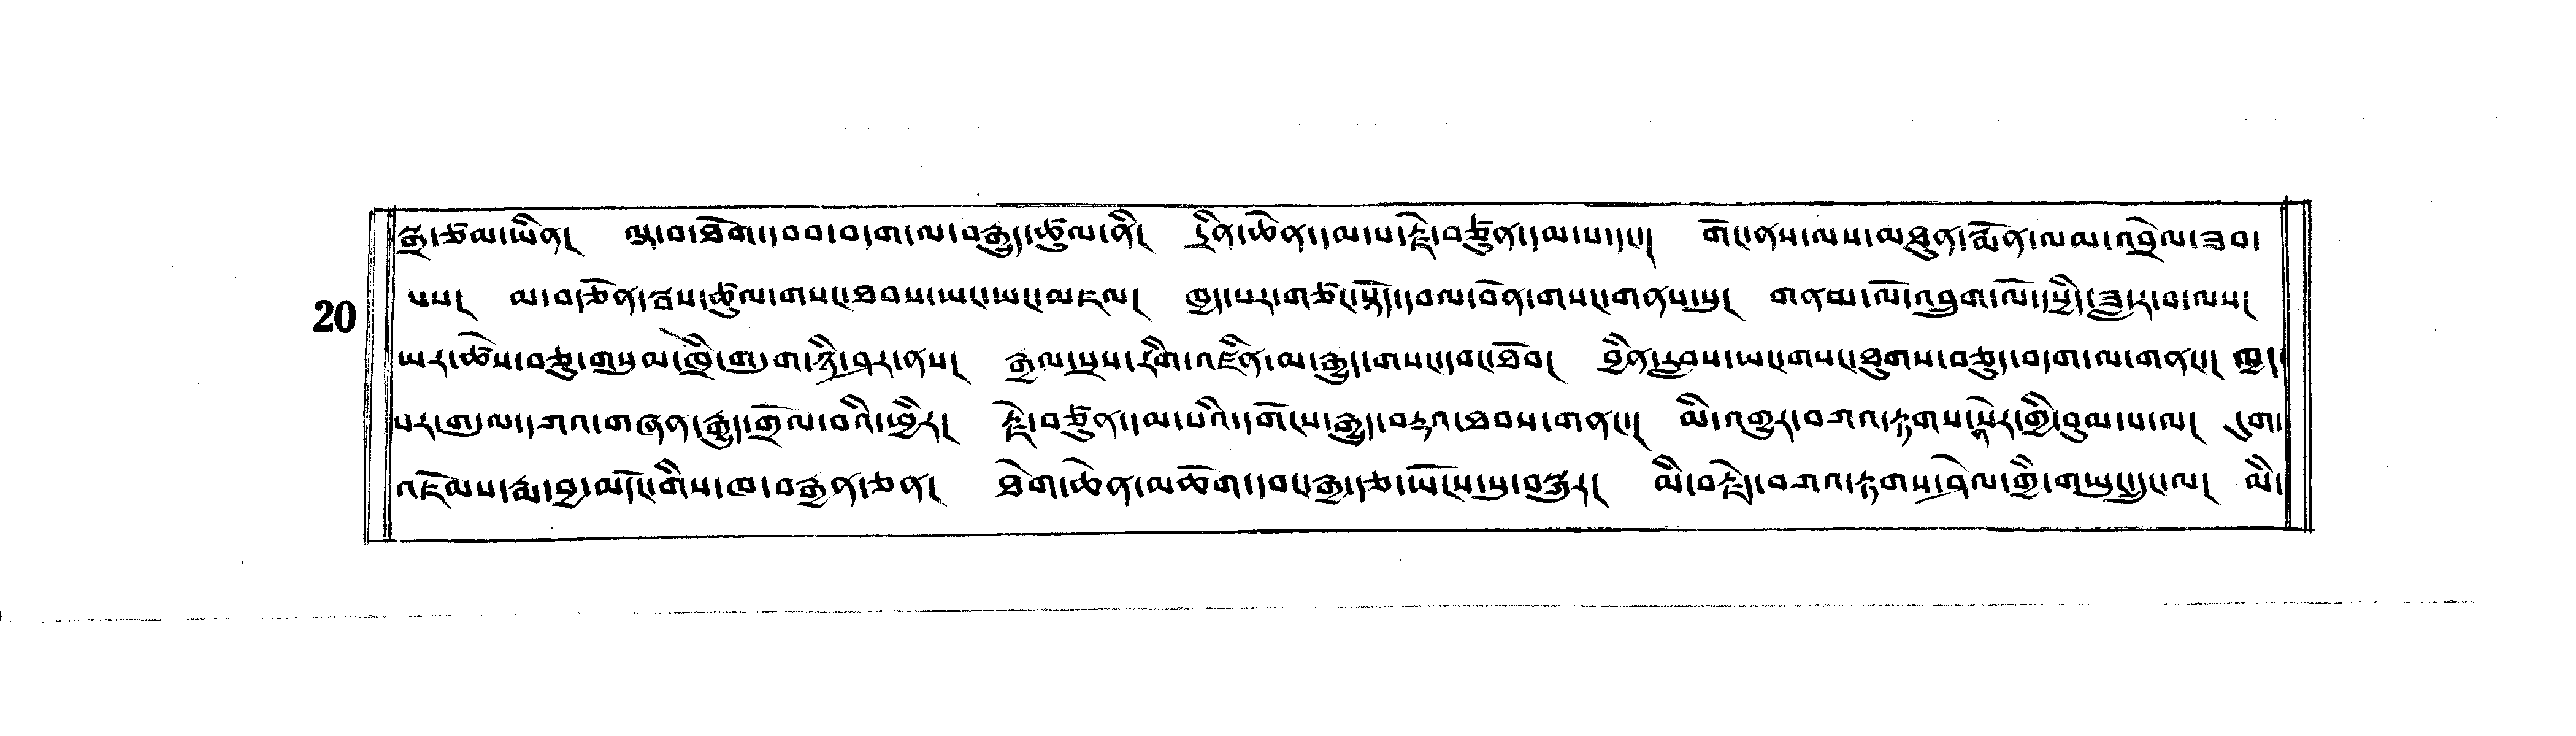སྒྲ་ཙམ་ཡིན། ལྟ་བ་ཐོག་དབབ་བདག་ལ་བརྒྱུད་ཚུལ་ནི། དྲིན་ཆེན་དམ་པ་རྗེ་བཙུན་དམ་པ་དང་། གོང་ནས་ལས་མཐུན་སྨོན་ལམ་འབྲེལ་ཟབ་
པས། མ་བརྩོན་སྦས་ཚུལ་གསང་ཐབས་ཡང་ཡང་མཇལ། ཁྱད་པར་གཙང་སྟོད་དབལ་བོན་གསང་གནས་སུ། གནམ་ལོ་འབྲུག་ལོ་དཔྱིད་ཟླ་ར་བ་ལས། 
ཡར་ཚེས་བཅུ་གསུམ་ཁྲི་གདུག་ཉི་ཤར་ནས། རྒྱལ་སྲས་རིག་འཛིན་མ་རྒྱུད་གསང་དབང་ཐོབ། བྱིན་རླབས་ཡང་གསང་ཐུགས་བཅུད་བདག་ལ་གནང་། ཁྱད་
པར་གདུལ་དཀའ་གཞན་རྒྱུད་གྲོལ་བའི་ཕྱིར། རྗེ་བཙུན་དམ་པའི་དགོངས་རྒྱུད་བརྡ་ཐབས་གནང་། མི་འགྱུར་བཀའ་རྟགས་གསེར་གྱི་བུམ་པ་ལ། དུག་
འཇོམས་རྨ་བྱ་མདོངས་ཀྱི་ཁ་རྒྱན་ཅན། ཐེག་ཆེན་མཆོག་དབང་བརྒྱ་རྩ་ཡོངས་སུ་བསྐུར། མི་བརྗེད་བཀའ་རྟགས་ཤེལ་གྱི་གཡུང་དྲུང་ལ། མི་